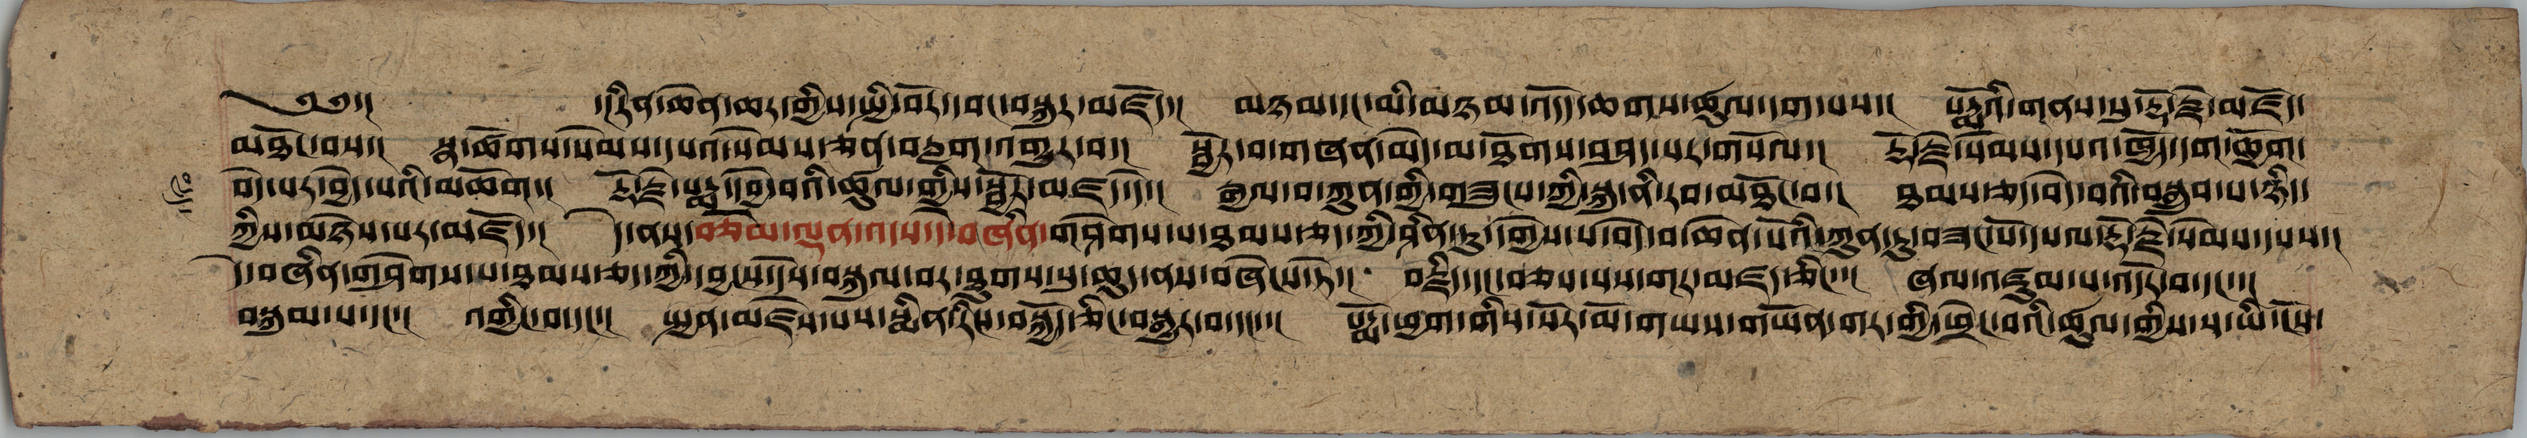༄༅་། ་།རིན་ཆེན་ཆར་གྱིས་སྤྱི་བོར་དབང་བསྐུར་མཛོད་། མཉམ་དང་མི་མཉམ་འདོད་ཆགས་ཚུལ་དག་པས་། པཏྨོའི་གནས་སུ་རྡོ་རྗེ་མཛོད་
མཐོང་བས་། སྣ་ཚོགས་སེམས་དཔའ་སེམས་ཅན་བརླག་འགྱུར་བ་། སྦྱོར་བ་གཞན་མེད་མ་ཐོགས་བཤད་པར་གསོལ་། རྡོ་རྗེ་སེམས་དཔའ་ཁྱོད་དག་ཆྱོག།
བདེ་པར་བྱེད་པའི་མཆོག་། རྡོ་རྗེ་པདྨ་དབྱེ་བའི་ཚུལ་གྱིས་སྦྱོར་མཛད་དེ་། རྒྱལ་བ་ཀུན་གྱི་གཟུངས་ཀྱི་སྐུ་ནི་རབ་མཐོང་བ་། ཐམས་ཅད་བདེ་བའི་བསྒྲུབ་པ་ཉིད་
ཀྱིས་མཉེས་པར་མཛོད་། དེ་ནས་བཅོམ་ལྡན་འདས་དེ་བཞིན་གཤེགས་པ་ཐམས་ཅད་ཀྱི་ཤིན་ཏུ་དགྱེས་པ་བདེ་བ་ཆེན་པོའི་ཀུན་ཏུ་བཟང་པོ་དཔལ་རྡོ་རྗེ་སེམས་དསས་།
དེ་བཞིན་གཤེགས་པ་ཐམས་ཅད་ཀྱི་དབྱངས་དེས་བསྐུལ་བར་ཐུགས་སུ་ཆུད་ནས་བཞེངས་ཏེ་། བརྗིད་དང་བཅས་པས་གར་མཛད་ཅིང་་། ཞལ་འཛུམ་པ་འདོར་བ་དང་་།
བསྐུམ་པ་དང་། འགྱིང་བ་དང་། སྤྱན་མཛེས་པས་སྨིན་རིང་བསྐྱོད་ཅིང་བསྒྱུར་བ་དང་་། སདྨོ་ཕྱག་གིས་སོར་མོ་གཡས་གཡོན་གར་གྱི་ཕྲེང་བའི་ཚུལ་གྱིས་ས་ཡི་ངོས་